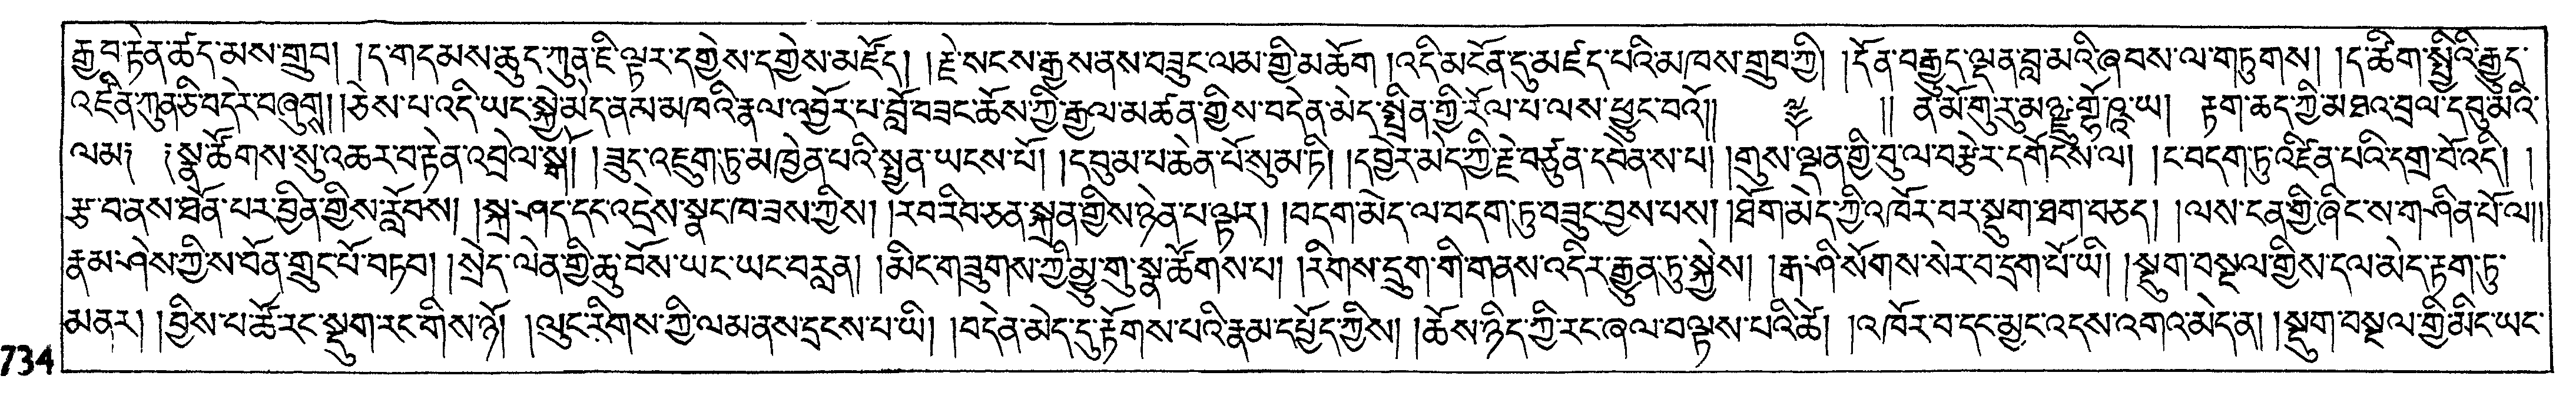རྒྱབ་རྟེན་ཚད་མས་གྲུབ། །ད་གདམས་ཆུང་ཀུན་ཇི་ལྟར་དགྱེས་དགྱེས་མཛོད། །རྗེ་སངས་རྒྱས་ནས་བཟུང་ལམ་གྱི་མཆོག །འདི་མངོན་དུ་མཛད་པའི་མཁས་གྲུབ་ཀྱི། །དོན་བརྒྱུད་ལྡན་བླ་མའི་ཞབས་ལ་གཏུགས། །ད་ཚིག་སྤྱིའི་རྒྱུད་
འཛིན་ཀུན་ཅི་བདེར་བཞུགས། །ཅེས་པ་འདི་ཡང་སྐྱེ་མེད་ནམ་མཁའི་རྣལ་འབྱོར་པ་བློ་བཟང་ཆོས་ཀྱི་རྒྱལ་མཚན་གྱིས་བདེན་མེད་སྤྲིན་གྱི་རོལ་པ་ལས་ཕྱུང་བའོ།། ༈ །།ན་མོ་གུ་རུ་མཉྫུ་གྷོ་ཥཱ་ཡ། རྟག་ཆད་ཀྱི་མཐའ་བྲལ་དབུ་མའི་
ལམ། །སྣ་ཚོགས་སུ་འཆར་བ་རྟེན་འབྲེལ་སྒོ། །ཟུང་འཇུག་ཏུ་མཁྱེན་པའི་སྤྱན་ཡངས་པོ། །དབུ་མ་པ་ཆེན་པོ་སུ་མ་ཏི། །དབྱེར་མེད་ཀྱི་རྗེ་བཙུན་དབེན་ས་པ། །གུས་ལྡན་གྱི་བུ་ལ་བརྩེར་དགོངས་ལ། །ང་བདག་ཏུ་འཛིན་པའི་དགྲ་བོ་འདི། །
རྩ་བ་ནས་ཐོན་པར་བྱིན་གྱིས་རློབས། །སྐྲ་ཤད་དང་འདྲེས་སྣང་ཁ་ཟས་ཀྱིས། །རབ་རིབ་ཅན་སྐྲན་གྱིས་ཉེན་པ་ལྟར། །བདག་མེད་ལ་བདག་ཏུ་བཟུང་བྱས་པས། །ཐོག་མེད་ཀྱི་འཁོར་བར་སྡུག་ཐག་བཅད། །ལས་ངན་གྱི་ཞིང་ས་གཤིན་པོ་ལ། །
རྣམ་ཤེས་ཀྱི་ས་བོན་གྲུང་པོ་བཏབ། །སྲེད་ལེན་གྱི་ཆུ་བོས་ཡང་ཡང་བརླན། །མིང་གཟུགས་ཀྱི་མྱུ་གུ་སྣ་ཚོགས་པ། །རིགས་དྲུག་གི་གནས་འདིར་རྒྱུན་ཏུ་སྐྱེས། །རྒ་ཤི་སོགས་སེར་བ་དྲག་པོ་ཡི། །སྡུག་བསྔལ་གྱིས་དལ་མེད་རྟག་ཏུ་
མནར། །བྱིས་པ་ཚོ་རང་སྡུག་རང་གིས་ཉོ། །ལུང་རིགས་ཀྱི་ལམ་ནས་དྲངས་པ་ཡི། །བདེན་མེད་དུ་རྟོགས་པའི་རྣམ་དཔྱོད་ཀྱིས། །ཆོས་ཉིད་ཀྱི་རང་ཞལ་བལྟས་པའི་ཚེ། །འཁོར་བ་དང་མྱང་འདས་འགའ་མེད་ན། །སྡུག་བསྔལ་གྱི་མིང་ཡང་